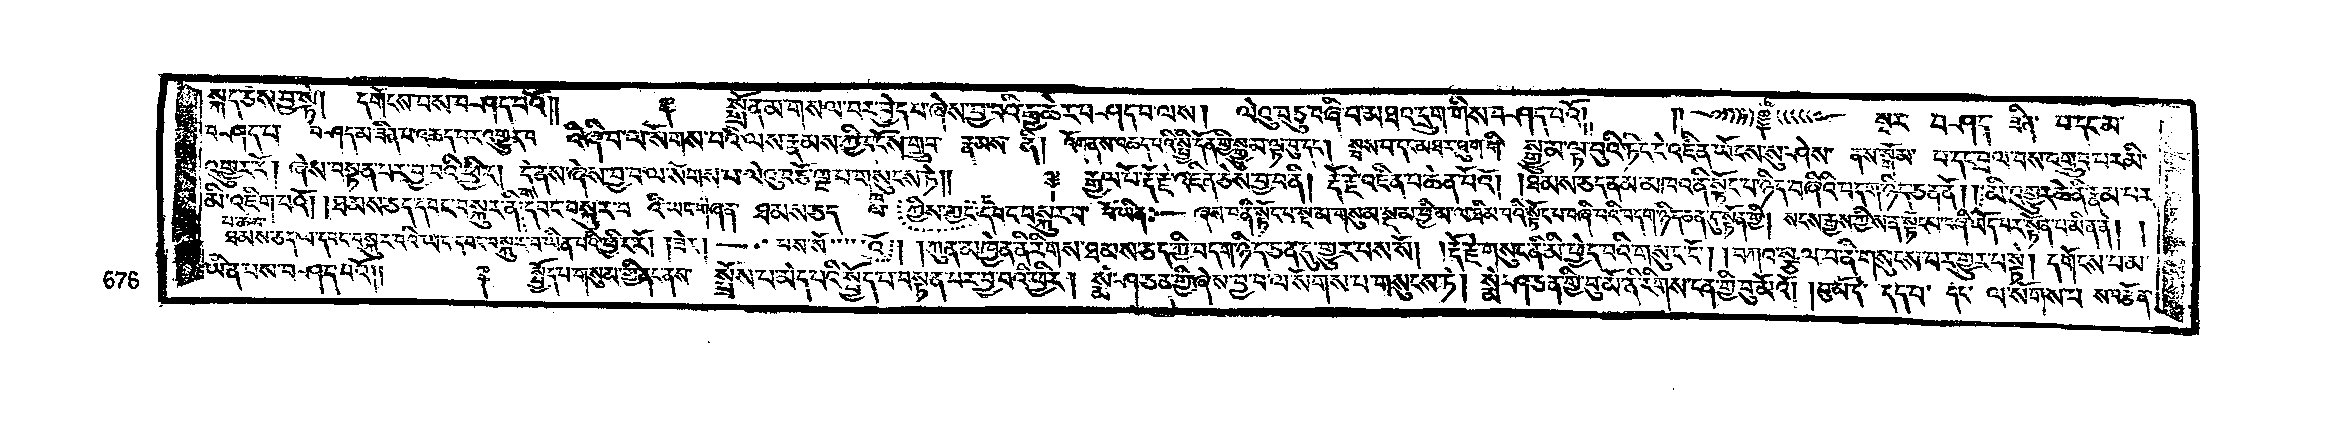སྐད་ཅེས་བྱ་སྟེ། དགོངས་པས་བཤད་པའོ།། ༈ སྒྲོན་མ་གསལ་བར་བྱེད་པ་ཞེས་བྱ་བའི་རྒྱ་ཆེར་བཤད་པ་ལས། ལེའུ་བཅུ་བཞི་པ་མཐའ་དྲུག་གིས་བཤད་པའོ།། །།སྔར་བཤད་ཟིན་པ་དང་མ་
བཤད་པ་བཤད་བཞིན་པ་འཆད་པར་འབྱུང་བ་བའི་ཞི་བ་ལ་སོགས་པའི་ལས་རྣམས་ཀྱི་དངོས་གྲུབ་རྣམས་ནི། འོ་ནས་འཆད་པའི་སྤྱི་དོན་གྱི་སྒྱུ་མ་ལྟ་བུ་དང་། སྦས་པ་དང་མཐར་ཐུག་གི་སྒྱུ་མ་ལྟ་བུའི་ཏིང་ངེ་འཛིན་ཡོངས་སུ་ཤེས་ནས་སྒོམ་པ་དང་བྲལ་བས་འགྲུབ་པར་མི་
འགྱུར་རོ། ཞེས་བསྟན་པར་བྱ་བའི་ཕྱིར། དེ་ནས་ཞེས་བྱ་བ་ལ་སོགས་པ་ལེའུ་བཅོ་ལྔ་པ་གསུངས་ཏེ།། ༈ རྒྱལ་པོ་རྡོ་རྗེ་འཛིན་ཅེས་བྱ་བ་ནི། རྡོ་རྗེ་འཛིན་པ་ཆེན་པོའོ། །ཐམས་ཅད་ནམ་མཁའ་ནི་སྟོང་པ་ཉིད་བཞིའི་བདག་ཉིད་ཅན་ནོ། །མི་འགྱུར་ཆེ་ནི་རྣམ་པར་
མི་འཇིག་པའོ། །ཐམས་ཅད་དབང་བསྐུར་ནི་དབང་བསྐུར་བའི་ཡང་གཞན་ཐམས་ཅད་ལ་ཀྱིས་ཀྱང་དབང་བསྐུར་བ་པོ་ཡིནཿ་ཞེས་པ་ནི་སྟོང་པ་སྔ་མ་གསུམ་སྔ་མ་ཕྱི་མ་ལ་ཐིམ་པའི་སྟོང་པ་བཞི་བའི་བདག་ཉིད་ཅན་དུ་སྟོན་གྱི། སངས་རྒྱས་ཀྱིས་ན་སྟོང་པ་བཞི་ཡོད་པར་སྟོན་པ་མིན་ནེ། །
པ་ཚག་ཐམས་ཅད་ལ་དབང་བསྐུར་བའི་ཡང་དབང་བསྐུར་བ་ཡིན་པའི་ཕྱིར་རོ། །ཟེར། .Hཔས་སོའོ། །ཀུན་མཁྱེན་ནི་རིགས་ཐམས་ཅད་ཀྱི་བདག་ཉིད་ཅན་དུ་གྱུར་པས་སོ། །རྡོ་རྗེ་གསུང་ནི་མི་ཕྱེད་པའི་གསུང་ངོ། །བཀའ་སྩལ་བ་ནི་གསུངས་པར་གྱུར་པ་སྟེ། དགོངས་པ་མ་
ཡིན་པས་བཤད་པའོ།། ༈ སྤྱོད་པ་གསུམ་གྱི་ནང་ནས་སྤྲོས་པ་མེད་པའི་སྤྱོད་པ་བསྟན་པར་བྱ་བའི་ཕྱིར། སྨེ་ཤ་ཅན་གྱི་ཞེས་བྱ་བ་ལ་སོགས་པ་གསུངས་ཏེ། སྨེ་ཤ་ཅན་གྱི་བུ་མོ་ནི་རིགས་ངན་གྱི་བུ་མོའོ། །བུ་མོ་དེ་དད་པ་དང་ལ་སོགས་པས་བརྩོན་